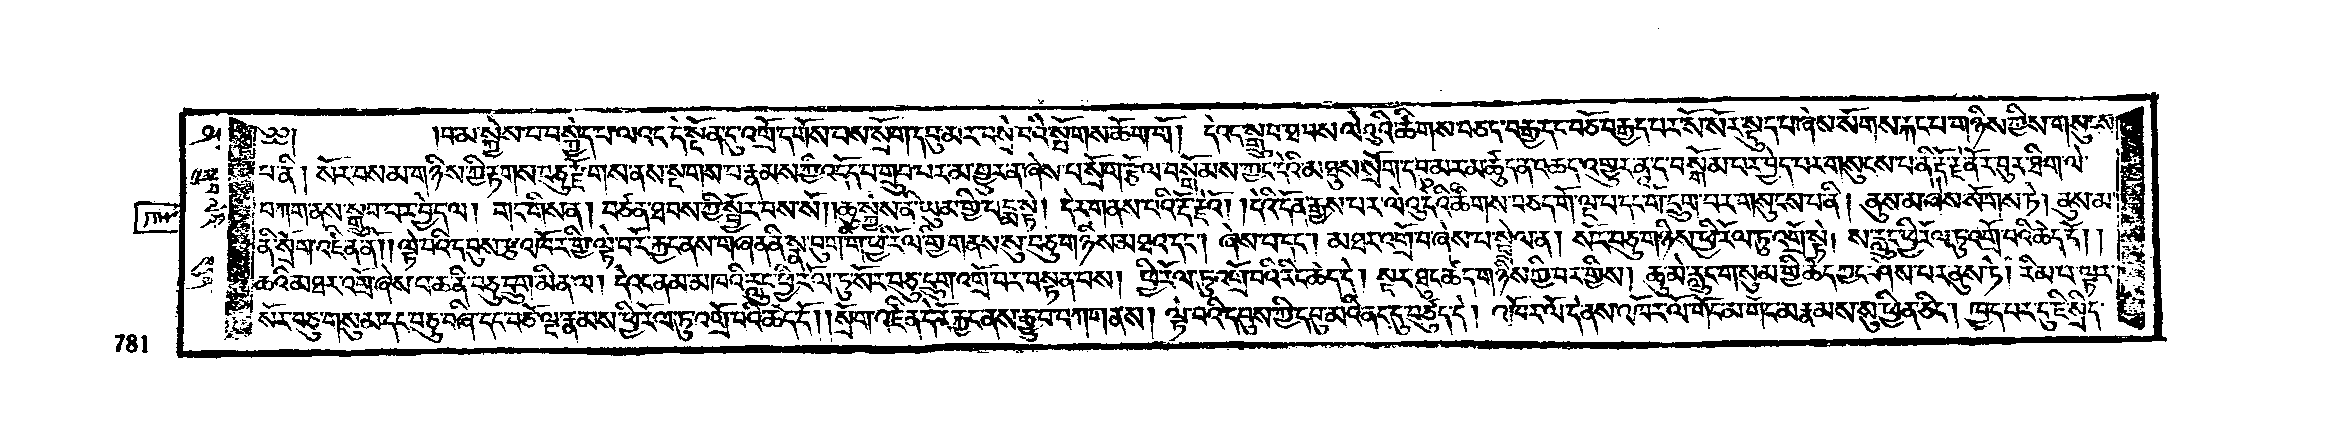༄༅། །བ་མ་སྐྱེས་པ་བསྐྱེད་པ་ལའང་དེ་སྔོན་དུ་འགྲོ་དགོས་པས་སྲོག་དབུ་མར་བསྲེ་བའི་སྤོགས་ཆོག་གོ །དེའང་སྒྲུབ་ཐབས་ལེའུའི་ཚིགས་བཅད་བརྒྱ་དང་བཅོ་བརྒྱད་པར་སོ་སོར་སྡུད་པ་ཞེས་སོགས་རྐང་པ་གཉིས་ཀྱིས་གསུངས་
པ་ནི། སོར་བསམ་གཉིས་ཀྱི་རྟགས་བཅུ་རྫོགས་ནས་སྔགས་པ་རྣམས་ཀྱི་འདོད་པ་གྲུབ་པར་མ་གྱུར་ན་ཞེས་པ་སྲོག་རྩོལ་བསྒོམས་ཀྱང་དེའི་མཐུས་སྲོག་དབུ་མར་མ་ཚུད་ན་འཆད་འགྱུར་ནཱ་ད་བསྒོམ་པར་བྱེད་པར་གསུངས་པ་ནི་རྡོ་རྗེ་ནོར་བུར་ཐིག་ལེ་
བཀག་ནས་སྒྲུབ་པར་བྱེད་ལ། གང་གིས་ན། བཙན་ཐབས་ཀྱི་སྦྱོར་བས་སོ། །ཆུ་སྐྱེས་ནི་ཡུམ་གྱི་པདམ་སྟེ། དེར་གནས་པའི་རྡོ་རྗེའོ། །དེའི་དོན་རྒྱས་པར་ལེའུ་དེའི་ཚིགས་བཅད་གོ་ལྔ་པ་དང་གོ་དྲུག་པར་གསུངས་པ་ནི། ནུས་མ་ཞེས་སོགས་ཏེ། ནུས་མ་
ནི་སྲོག་འཛིན་ནོ། །ལྟེ་བའི་དབུས་རྩ་འཁོར་གྱི་ལྟེ་བ་རོ་རྐྱང་ནས་གཞན་ནི་སྣ་བུག་གི་ཕྱི་རོལ་གྱི་གནས་སུ་བཅུ་གཉིས་མཐའ་དང་། ཞེས་པ་དང་། མཐར་འགྲོ་བ་ཞེས་པ་སྤྲེལ་ན། སོར་བཅུ་གཉིས་ཕྱི་རོལ་ཏུ་འགྲོ་སྟེ། ས་རླུང་ཕྱི་རོལ་ཏུ་འགྲོ་བའི་ཆེད་དོ། །
ཆའི་མཐར་འགྲོ་ཞེས་པ་ཆ་ནི་བཅུ་དྲུག་མིན་ལ། དེའང་ནམ་མཁའི་རླུང་ཕྱི་རོལ་ཏུ་སོར་བཅུ་དྲུག་འགྲོ་བར་བསྟན་པས། ཕྱི་རོལ་ཏུ་འགྲོ་བའི་རིང་ཆེད་དེ། སྔར་ཐུང་ཚད་གཉིས་ཀྱི་བར་གྱིས། ཆུ་མེ་རླུང་གསུམ་གྱི་ཚད་ཀྱང་ཤེས་པར་ནུས་ཏེ། རིམ་པ་ལྟར་
སོར་བཅུ་གསུམ་དང་བཅུ་བཞི་དང་བཅོ་ལྔ་རྣམས་ཕྱི་རོལ་ཏུ་འགྲོ་བའི་ཚད་དོ། །སྲོག་འཛིན་དེ་རོ་རྐྱང་ནས་རྒྱུ་བ་བཀག་ནས། ལྟེ་བའི་དབུས་ཀྱི་དབུ་མའི་ནང་དུ་བཙུད་དེ། འཁོར་ལོ་དེ་ནས་འཁོར་ལོ་གོང་མ་གོང་མ་རྣམས་སུ་ཕྱིན་ཅིང་། ཁྱད་པར་དུ་ཇི་སྲིད་